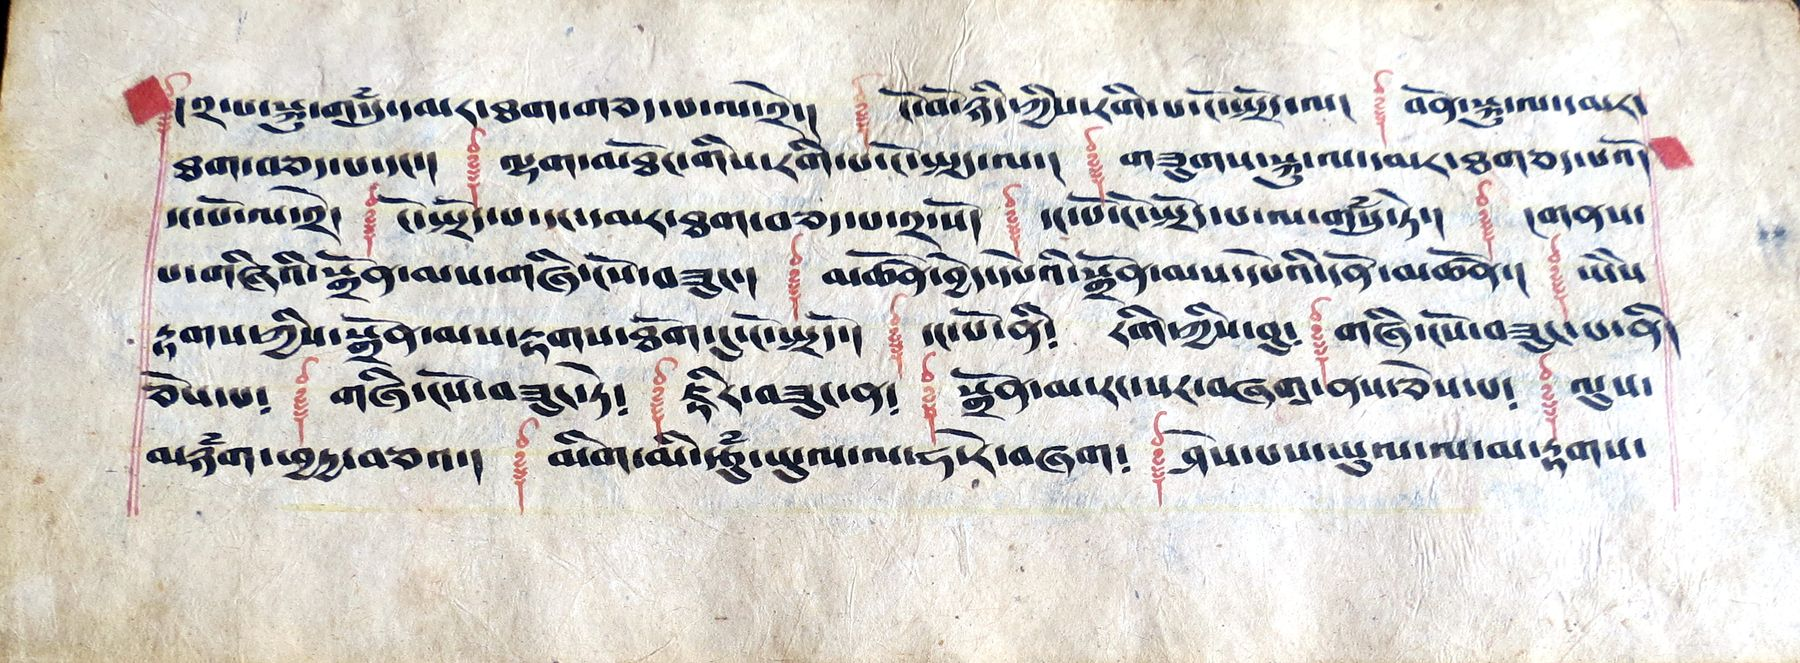གཉིས་པ་སྐུ་གསུམ་ལ་དམར་ཐག་བཅད་པ་ལ་གཉིས་ཏེ། ངོ་བོ་ཉིད་ཀྱི་རིག་པ་ངོ་སྤྲད་ལ། བོན་སྐུ་ལ་དམར་
ཐག་བཅད་པ་དང་། ལྷག་མཐོང་གི་རིག་པ་ངོ་སྤྲད་ལ། གཟུགས་སྐུ་ལ་དམར་ཐག་བཅད་པའོ། །
དང་པོ་ལ་གཉིས་ཏེ། ངོ་སྤྲད་པ་དང་དམར་ཐག་བཅད་པ་གཉིས་སོ། །དང་པོ་ངོ་སྤྲད་པ་ལ་གསུམ་སྟེ། གནས་
པ་གཞིའི་སྒྲོན་མས་གཞི་ངོས་བཟུང་། མཚོན་བྱེད་དཔེའི་སྒྲོན་མས་དཔེ་ཡིས་དོན་མཚོན། ཡེ་ཤེས་
རྟགས་ཀྱིས་སྒྲོན་མས་རྟགས་ཐོག་ཏུ་ངོ་སྤྲད་དོ། །དང་པོ་ནི། རིགས་ཀྱི་བུ་གཞི་ངོས་བཟུང་པ་ནི། །
ཞེས་པས། གཞི་ངོས་བཟུང་སྟེ། ཇི་ལྟར་བཟུང་ན། །ད༽ སྒྲོན་མ་རང་སར་བཞག་ནས། །ཞེས་པས། ལུས་
མཉམ་བཞག་ཕྱག་རྒྱ་བཅའ། མིག་མི་བཙུམ་ཡུལ་ཧར་རེ་བཞག ཤེས་པ་ཡུལ་ལ་མ་བརྟག་